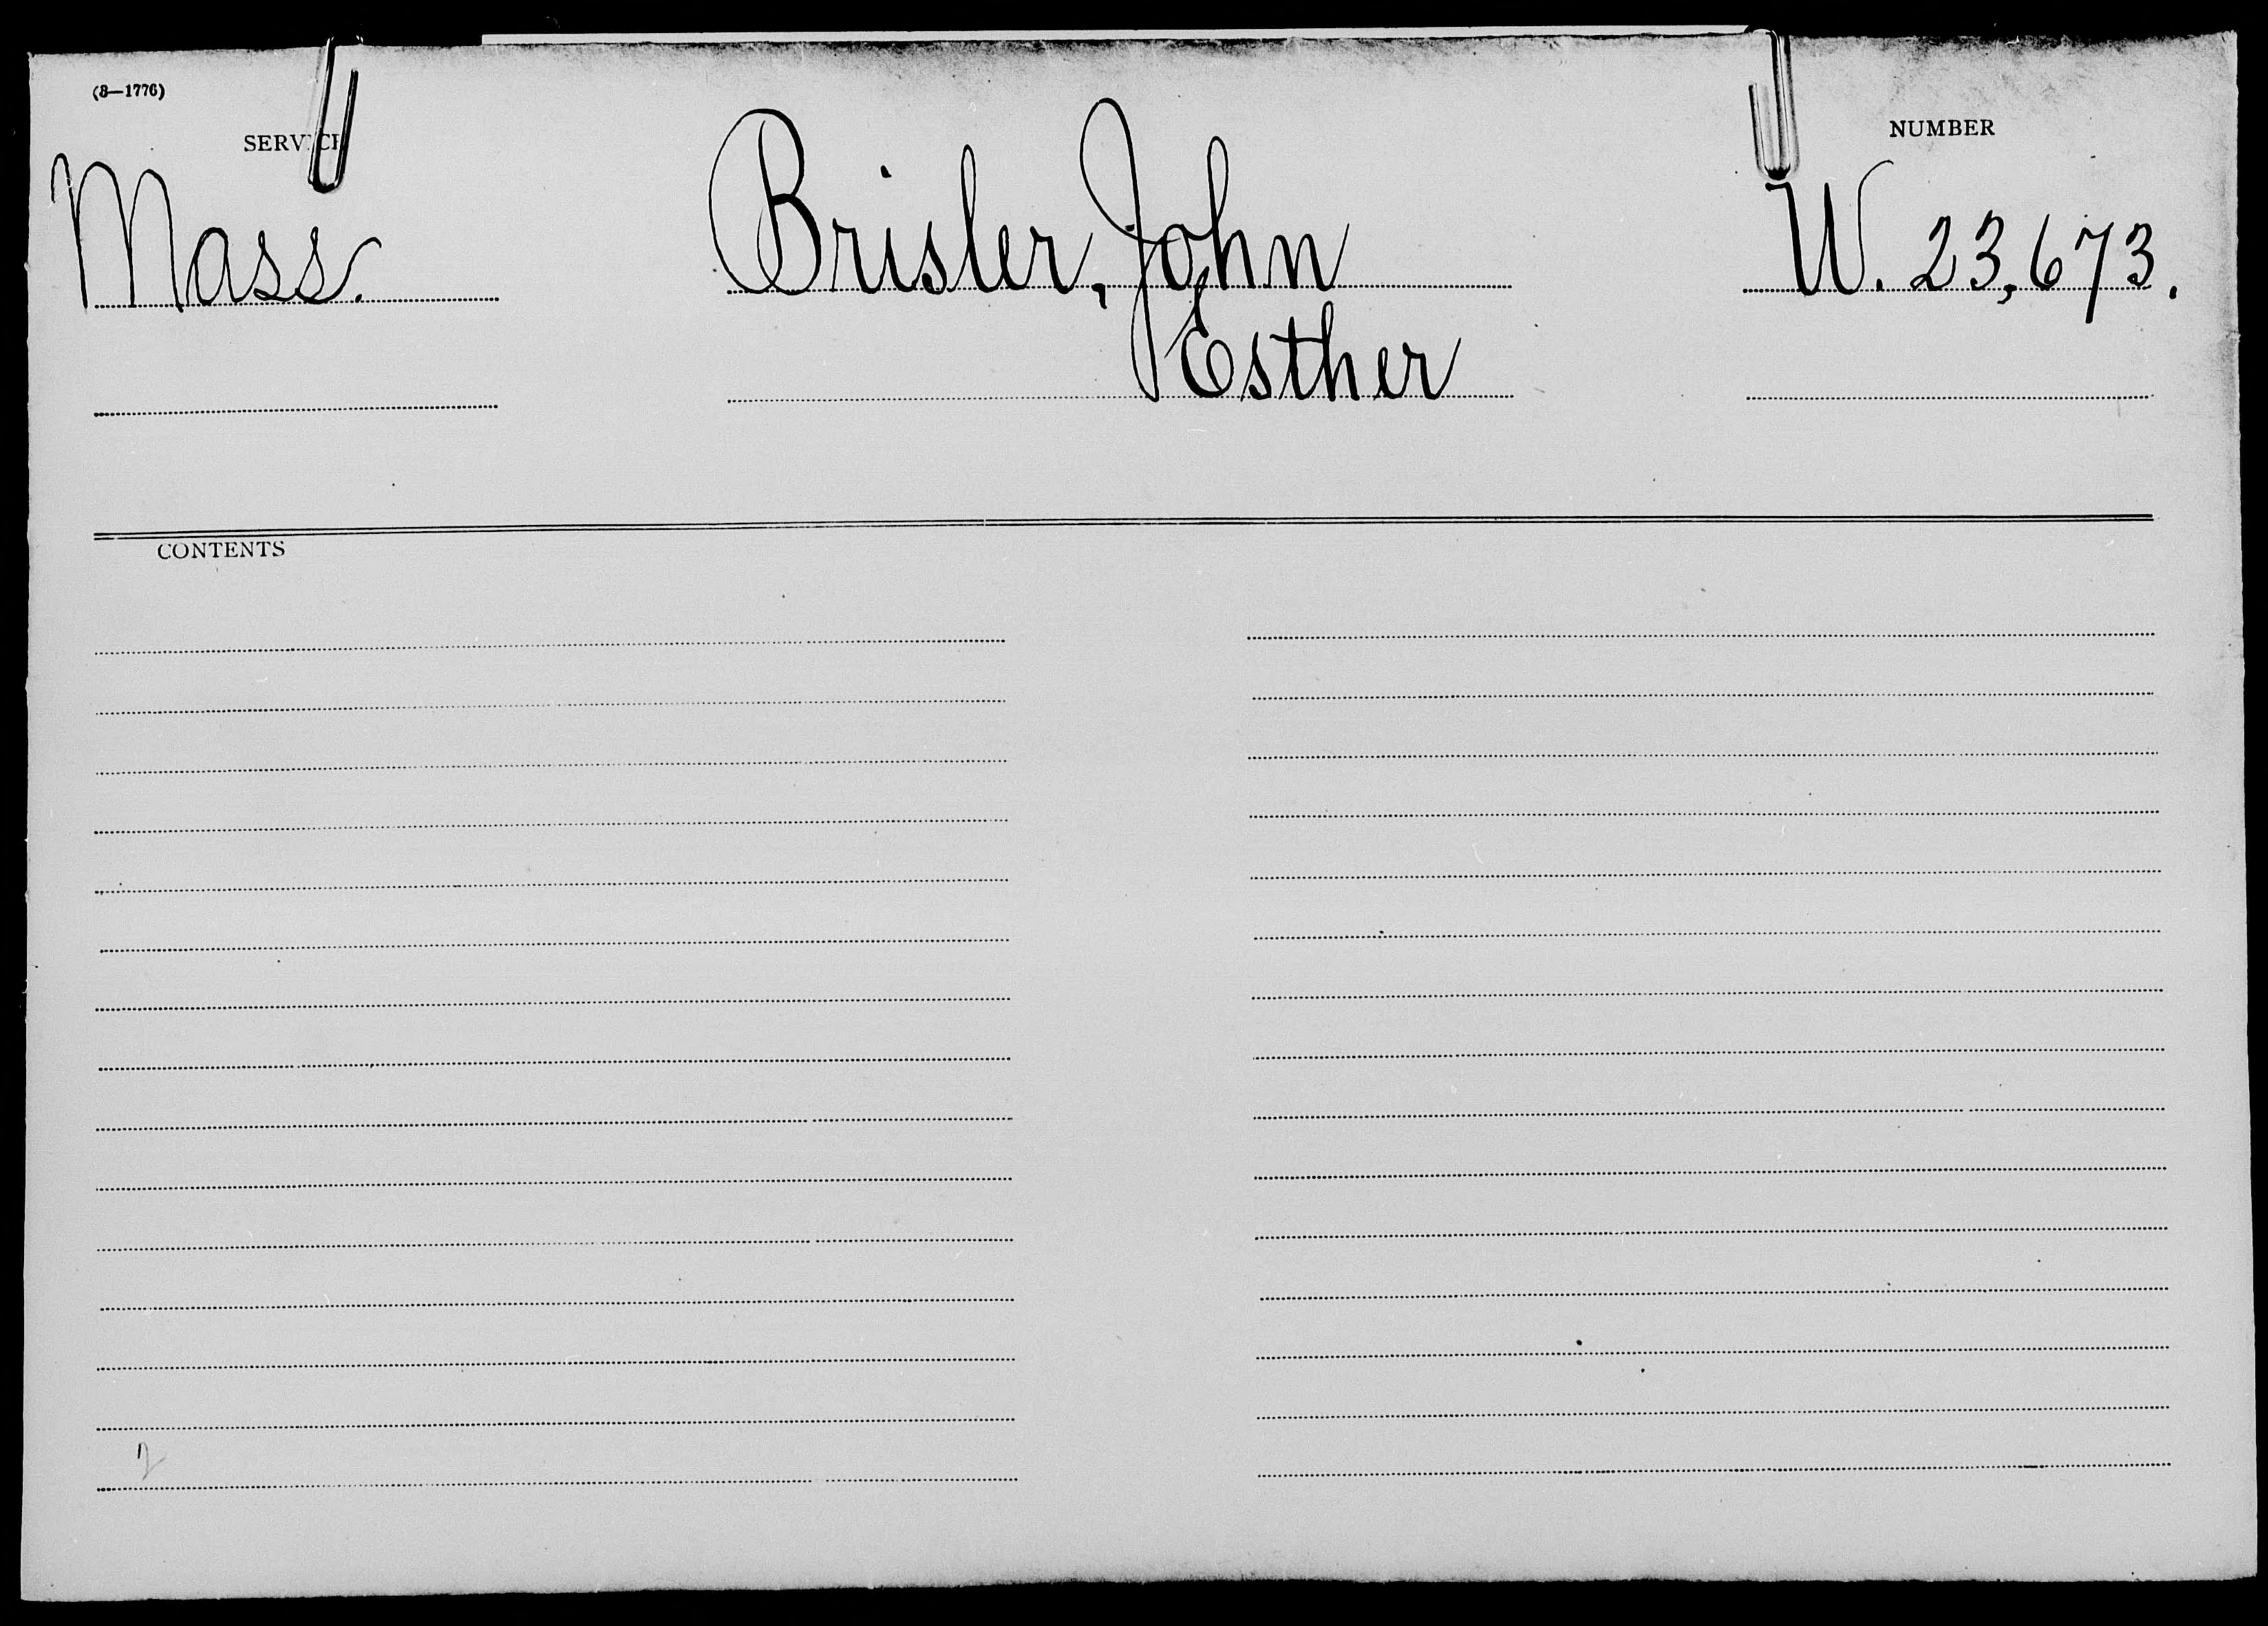Mass.   Brisler, John   W. 23,673
Esther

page: 1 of 46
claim: widow's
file: W. 23,673, John Brisler, Mass.